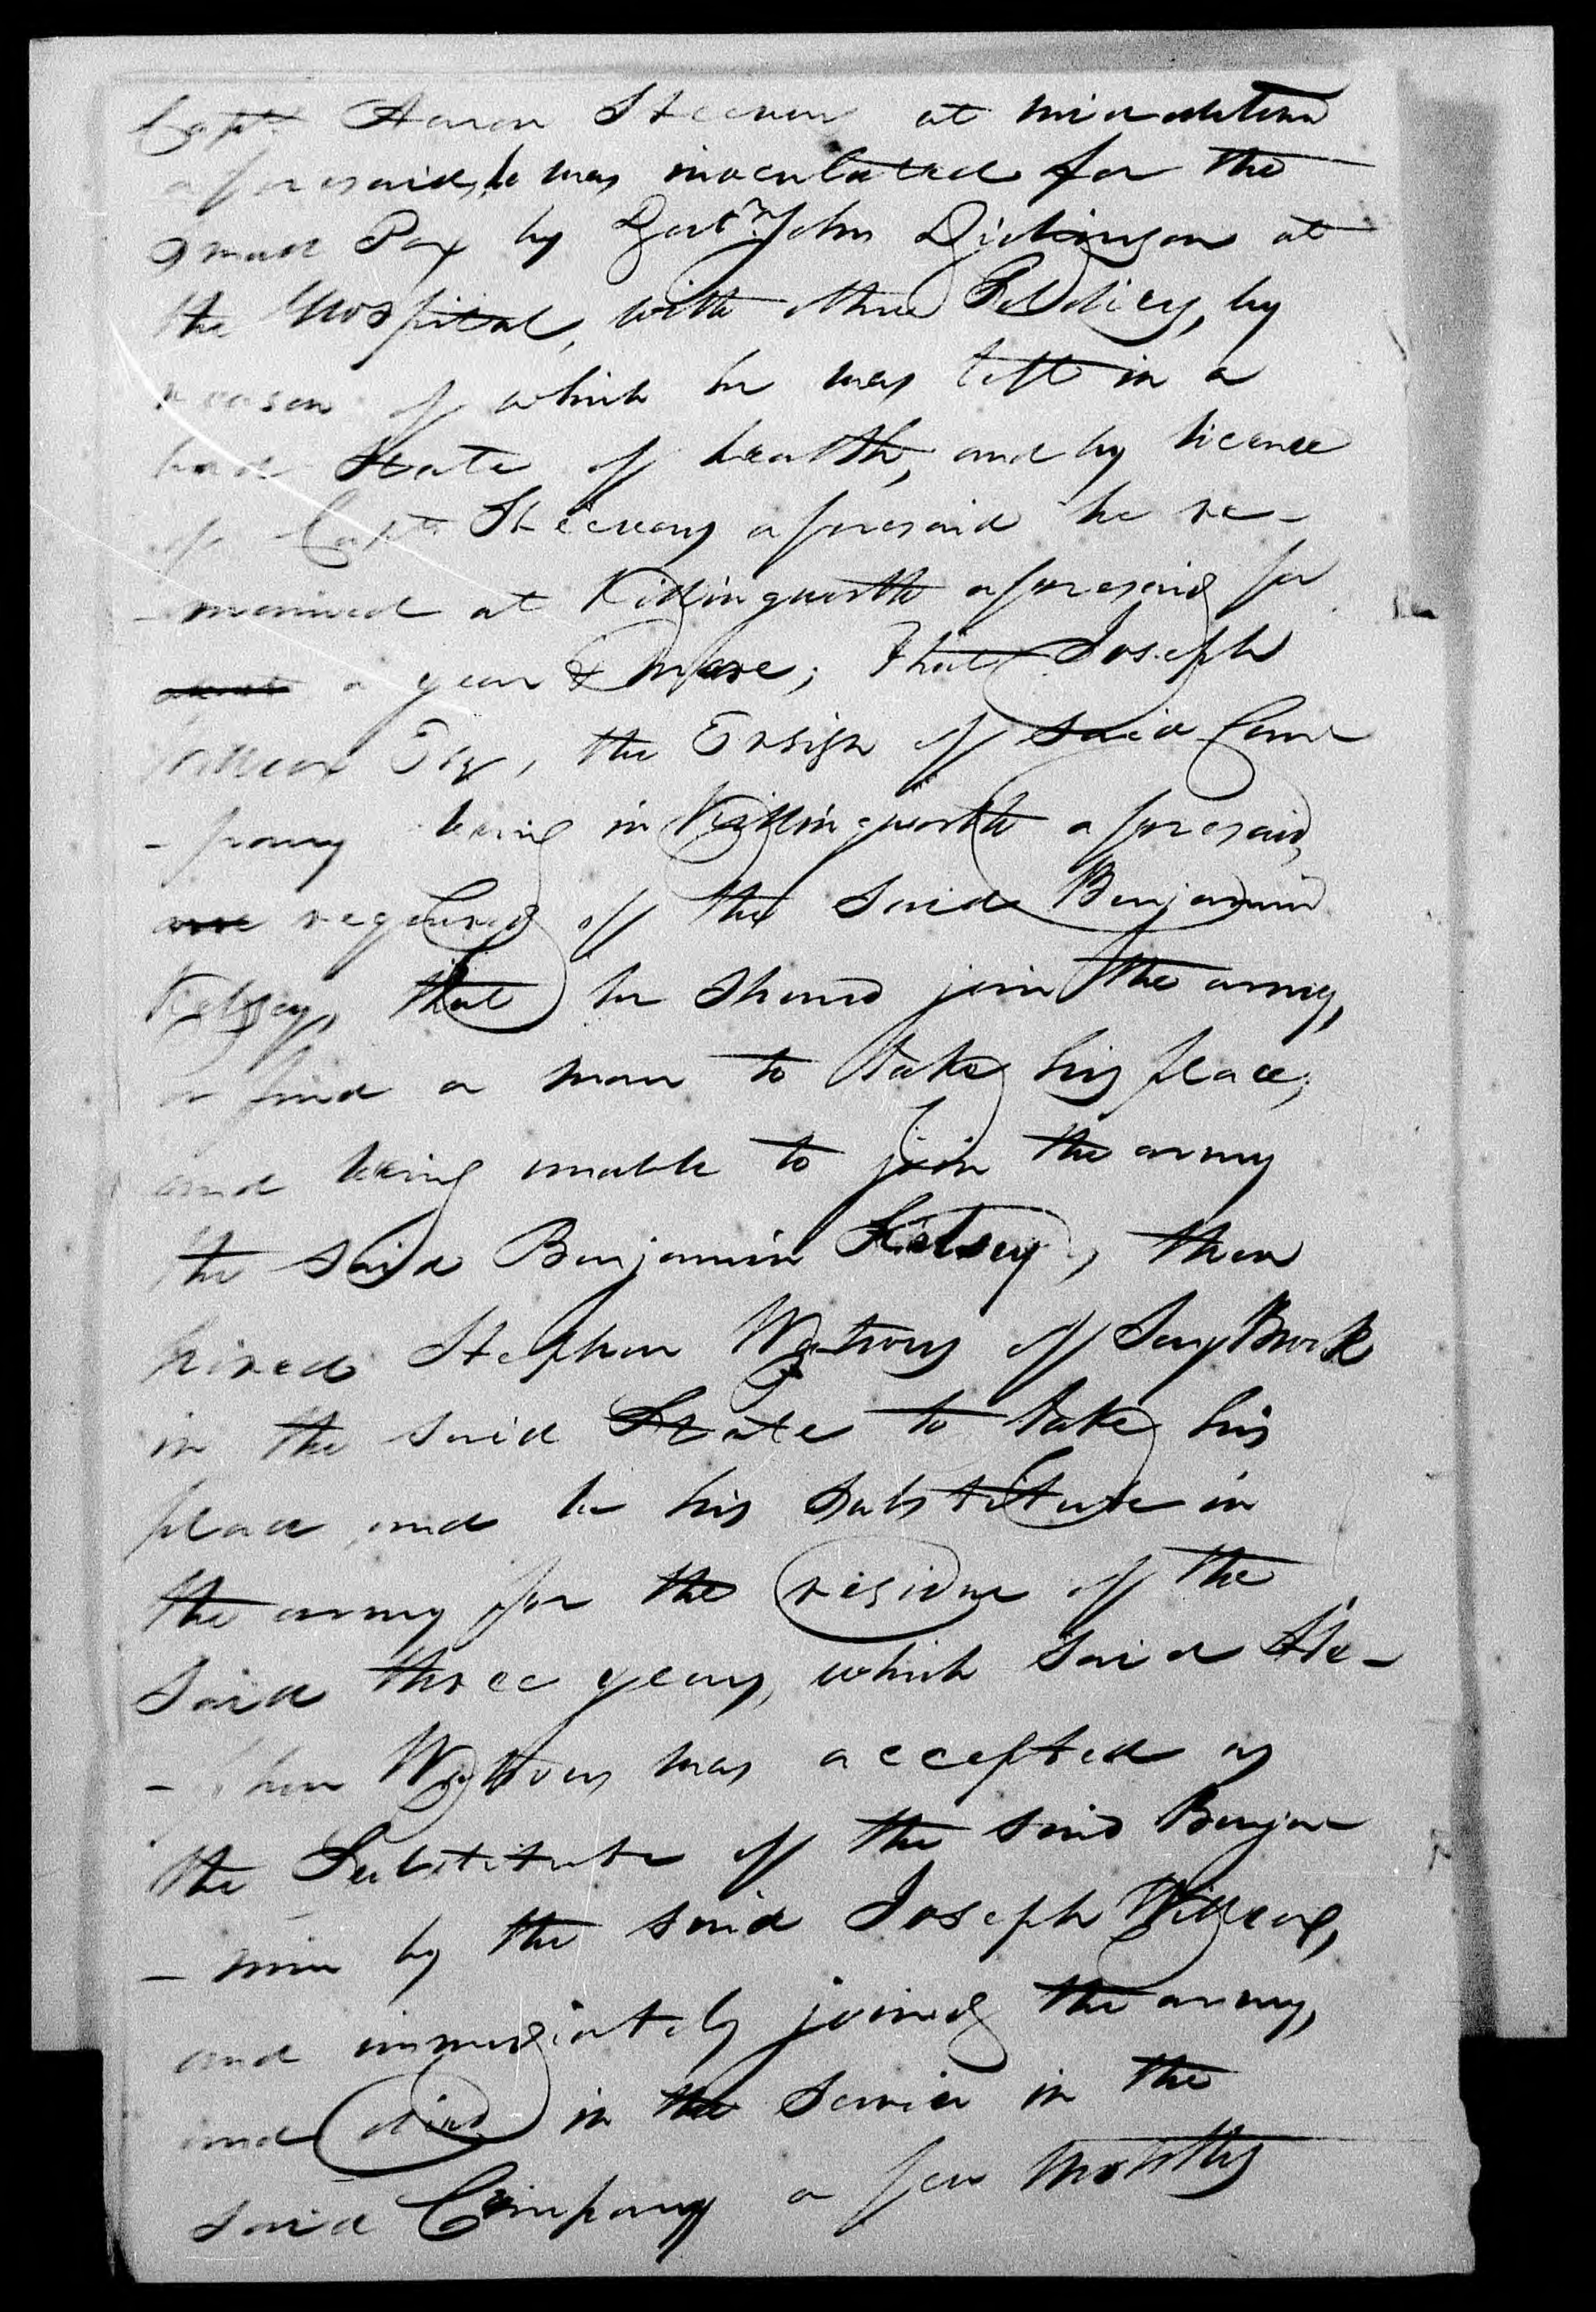Capt Aaron Stevens at Middletown foresaid to was inoculated for the Small Pox by Sergt John Dickinson at the hospital, with the policy, by reason of which he was left in a bad state of health, and by licence of Capt Stevens aforesaid he  remained at Killingworth aforesaid for a year & more. That Joseph Willcox the Ensign of said company born in Killingworth aforesaid required of the said Benjamin that he should in the army or find a man to take his place and being unable to join the army the said Benjamin Kelsey, then hired Steven Watsons of Say Brook in the said State to take his place and be his substitute in the army for the residue of the said three years which said Steven Watsons was accepted as the Substitute of the said Benjamin him by the said Joseph Willcox and immediately joined the army and died in the service in the said Company a few months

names: Aaron Stuven; Stephan Watsons; Benjamin Kelsey; John Dickinson; Joseph Willcox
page: 10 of 21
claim: survivor's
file: S. 36676, for Benjamin Kelsey, Connecticut